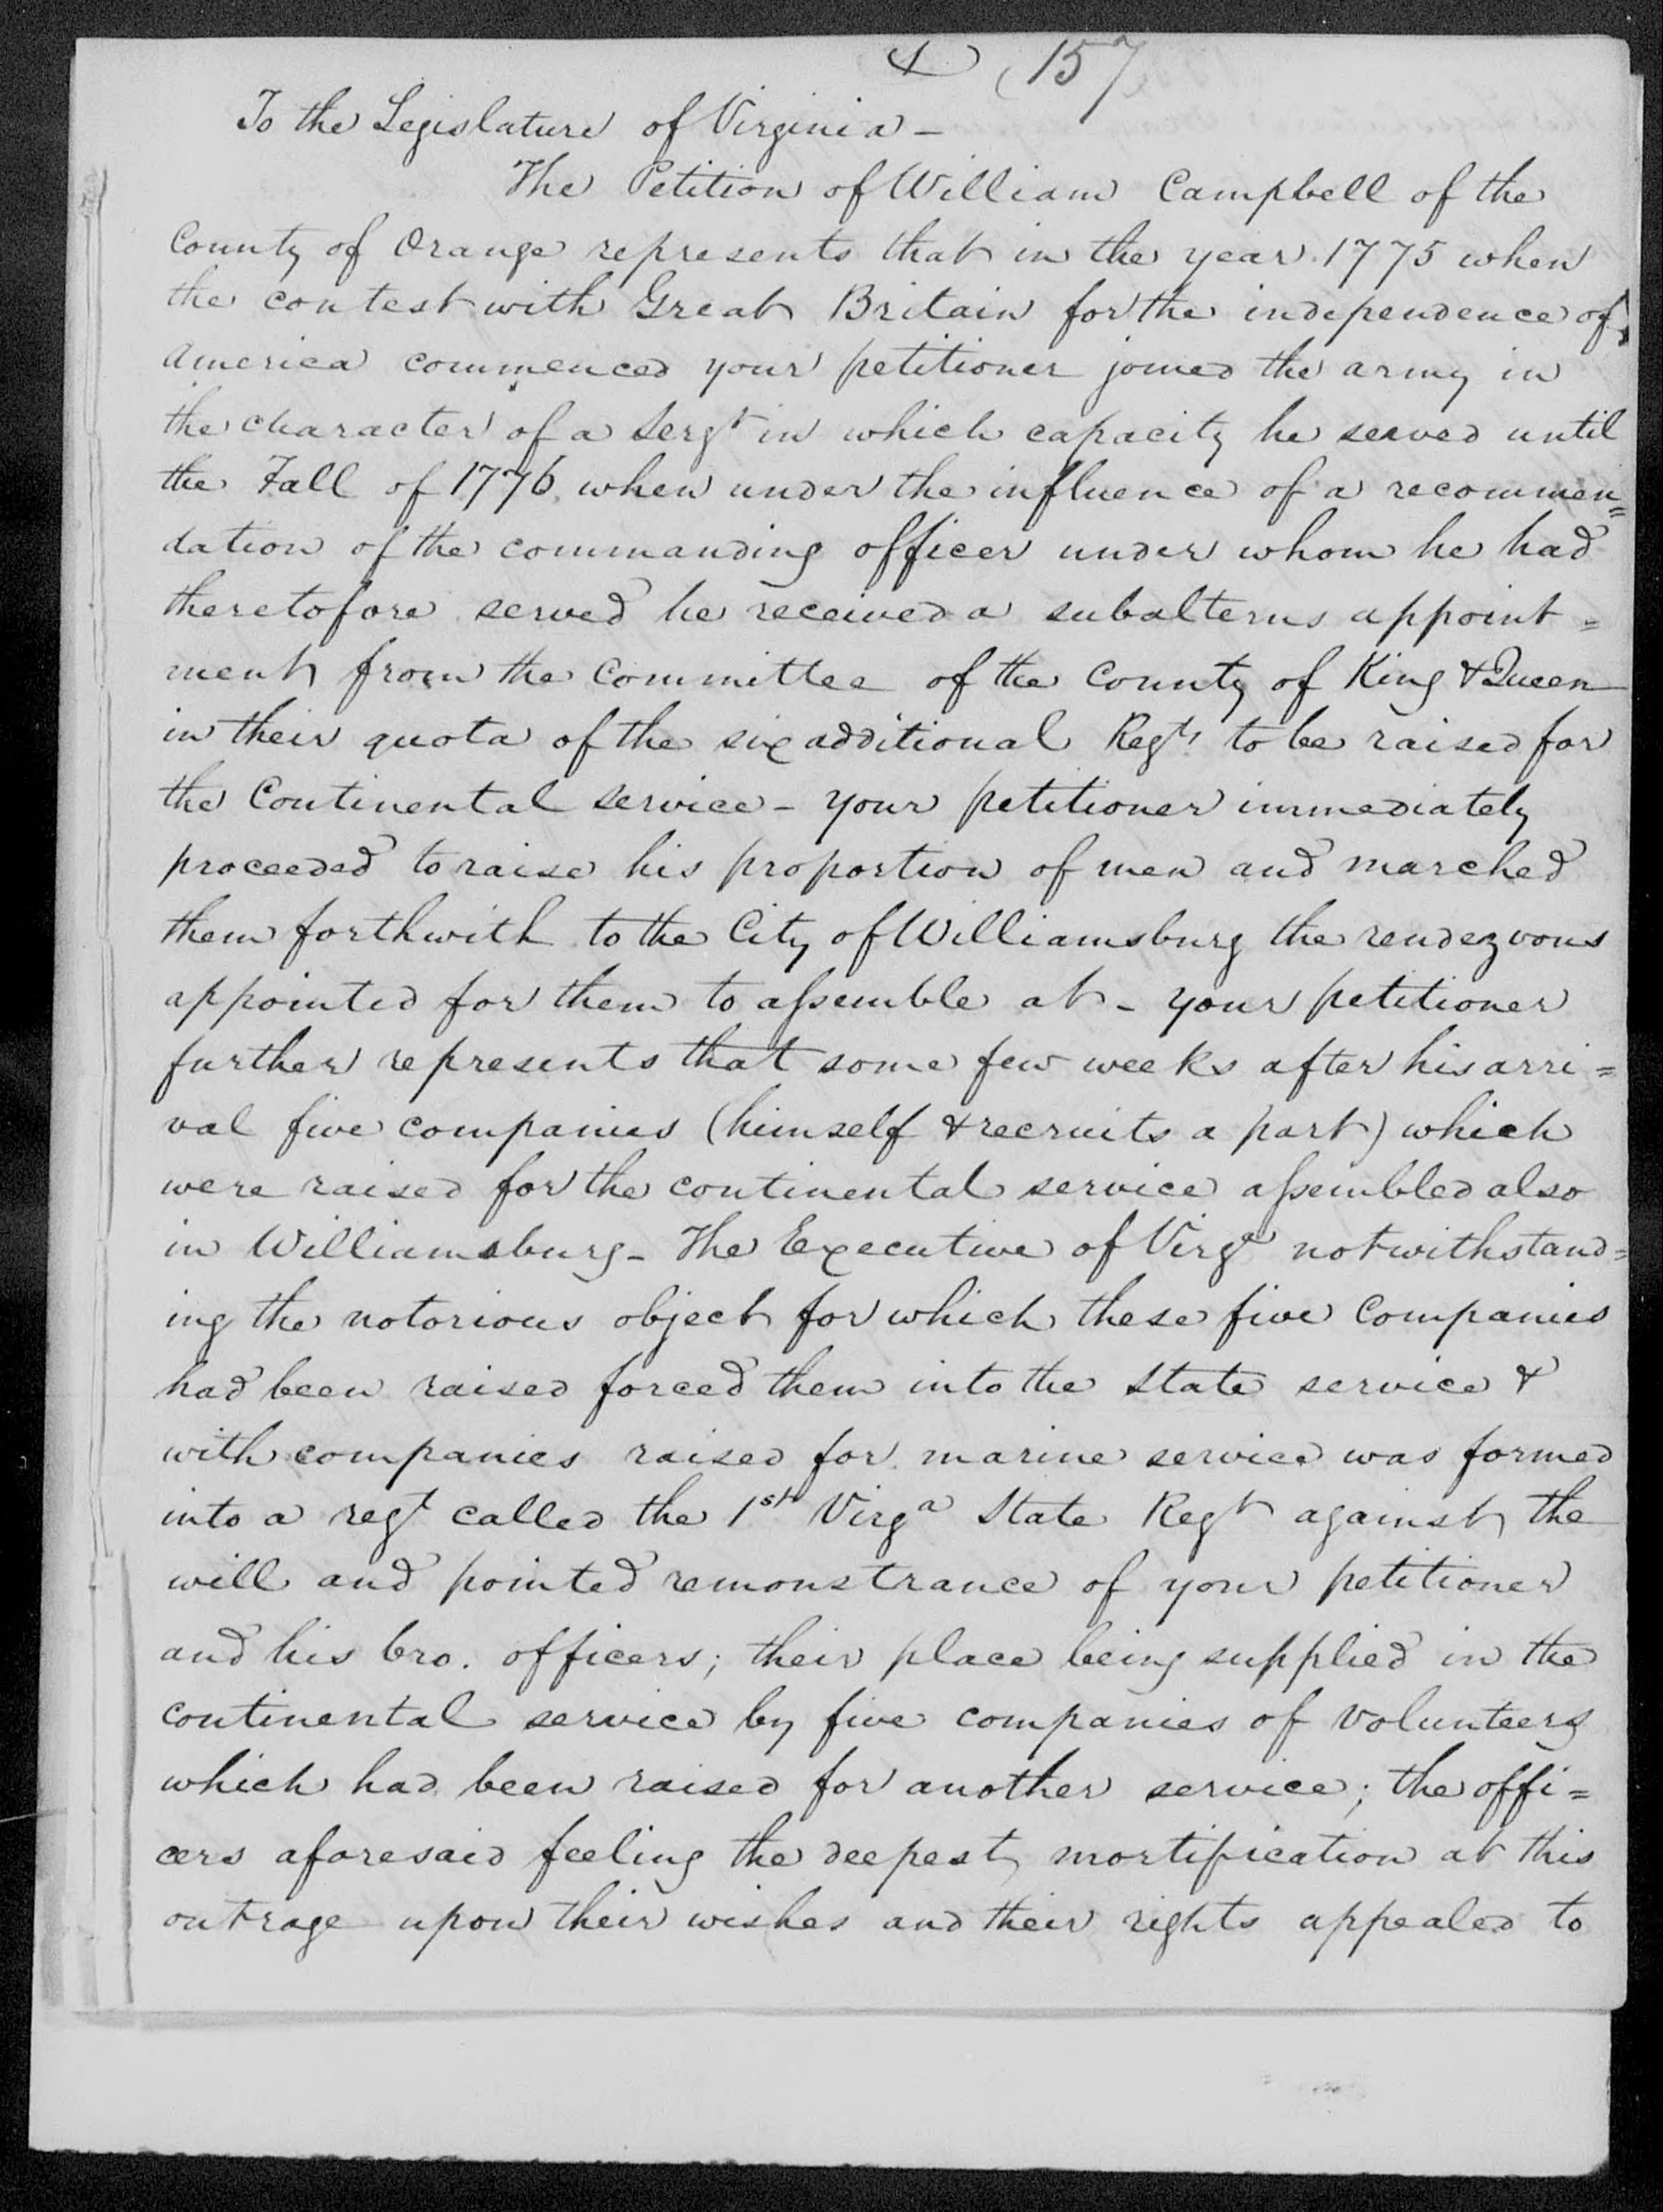(1)  (157)
To the Legislature of Virginia -
The Petition of William Campbell of the County of Orange represents that in the year 1775 when the contest with Great Britain for the independence of America commences your petitioner joined the army in the character of a Sergt in which capacity he served until the Fall of 1776 when under the influence of a recommendation of the commanding officer under whom he had theretofore served he received a subaltern appointment from the committee of the County of King +[and] Queen  in their quota of the six additional Regts to be raised for the Continental Service - your petitioner immediately proceeded to raise his proportion of men and marched them forthwith to the City of Williamsburg the rendezvous appointed for them to assemble at - your petitioner further represents that some few weeks after his arrival five companies (himself +[and} recruits a part) which were raised for the continental service assembled also in Williamsburg. The Executive of Virga not withstanding the notorious object for which these five companies had been raised forced them into the State service +[and] with companies raised for marine service was formed into a regt called the 1st Virga State Regt against the will and pointed remonstrance of your petitioner and his bro. officers; their place being supplied in the continental service by five companies of volunteers which had been raised for another service; the officers aforesaid feeling the deepest mortification at this outrage upon their wishes and their rights appealed to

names: William Campbell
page: 2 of 267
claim: widow's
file: W. 4,149, William Campbell, Va.